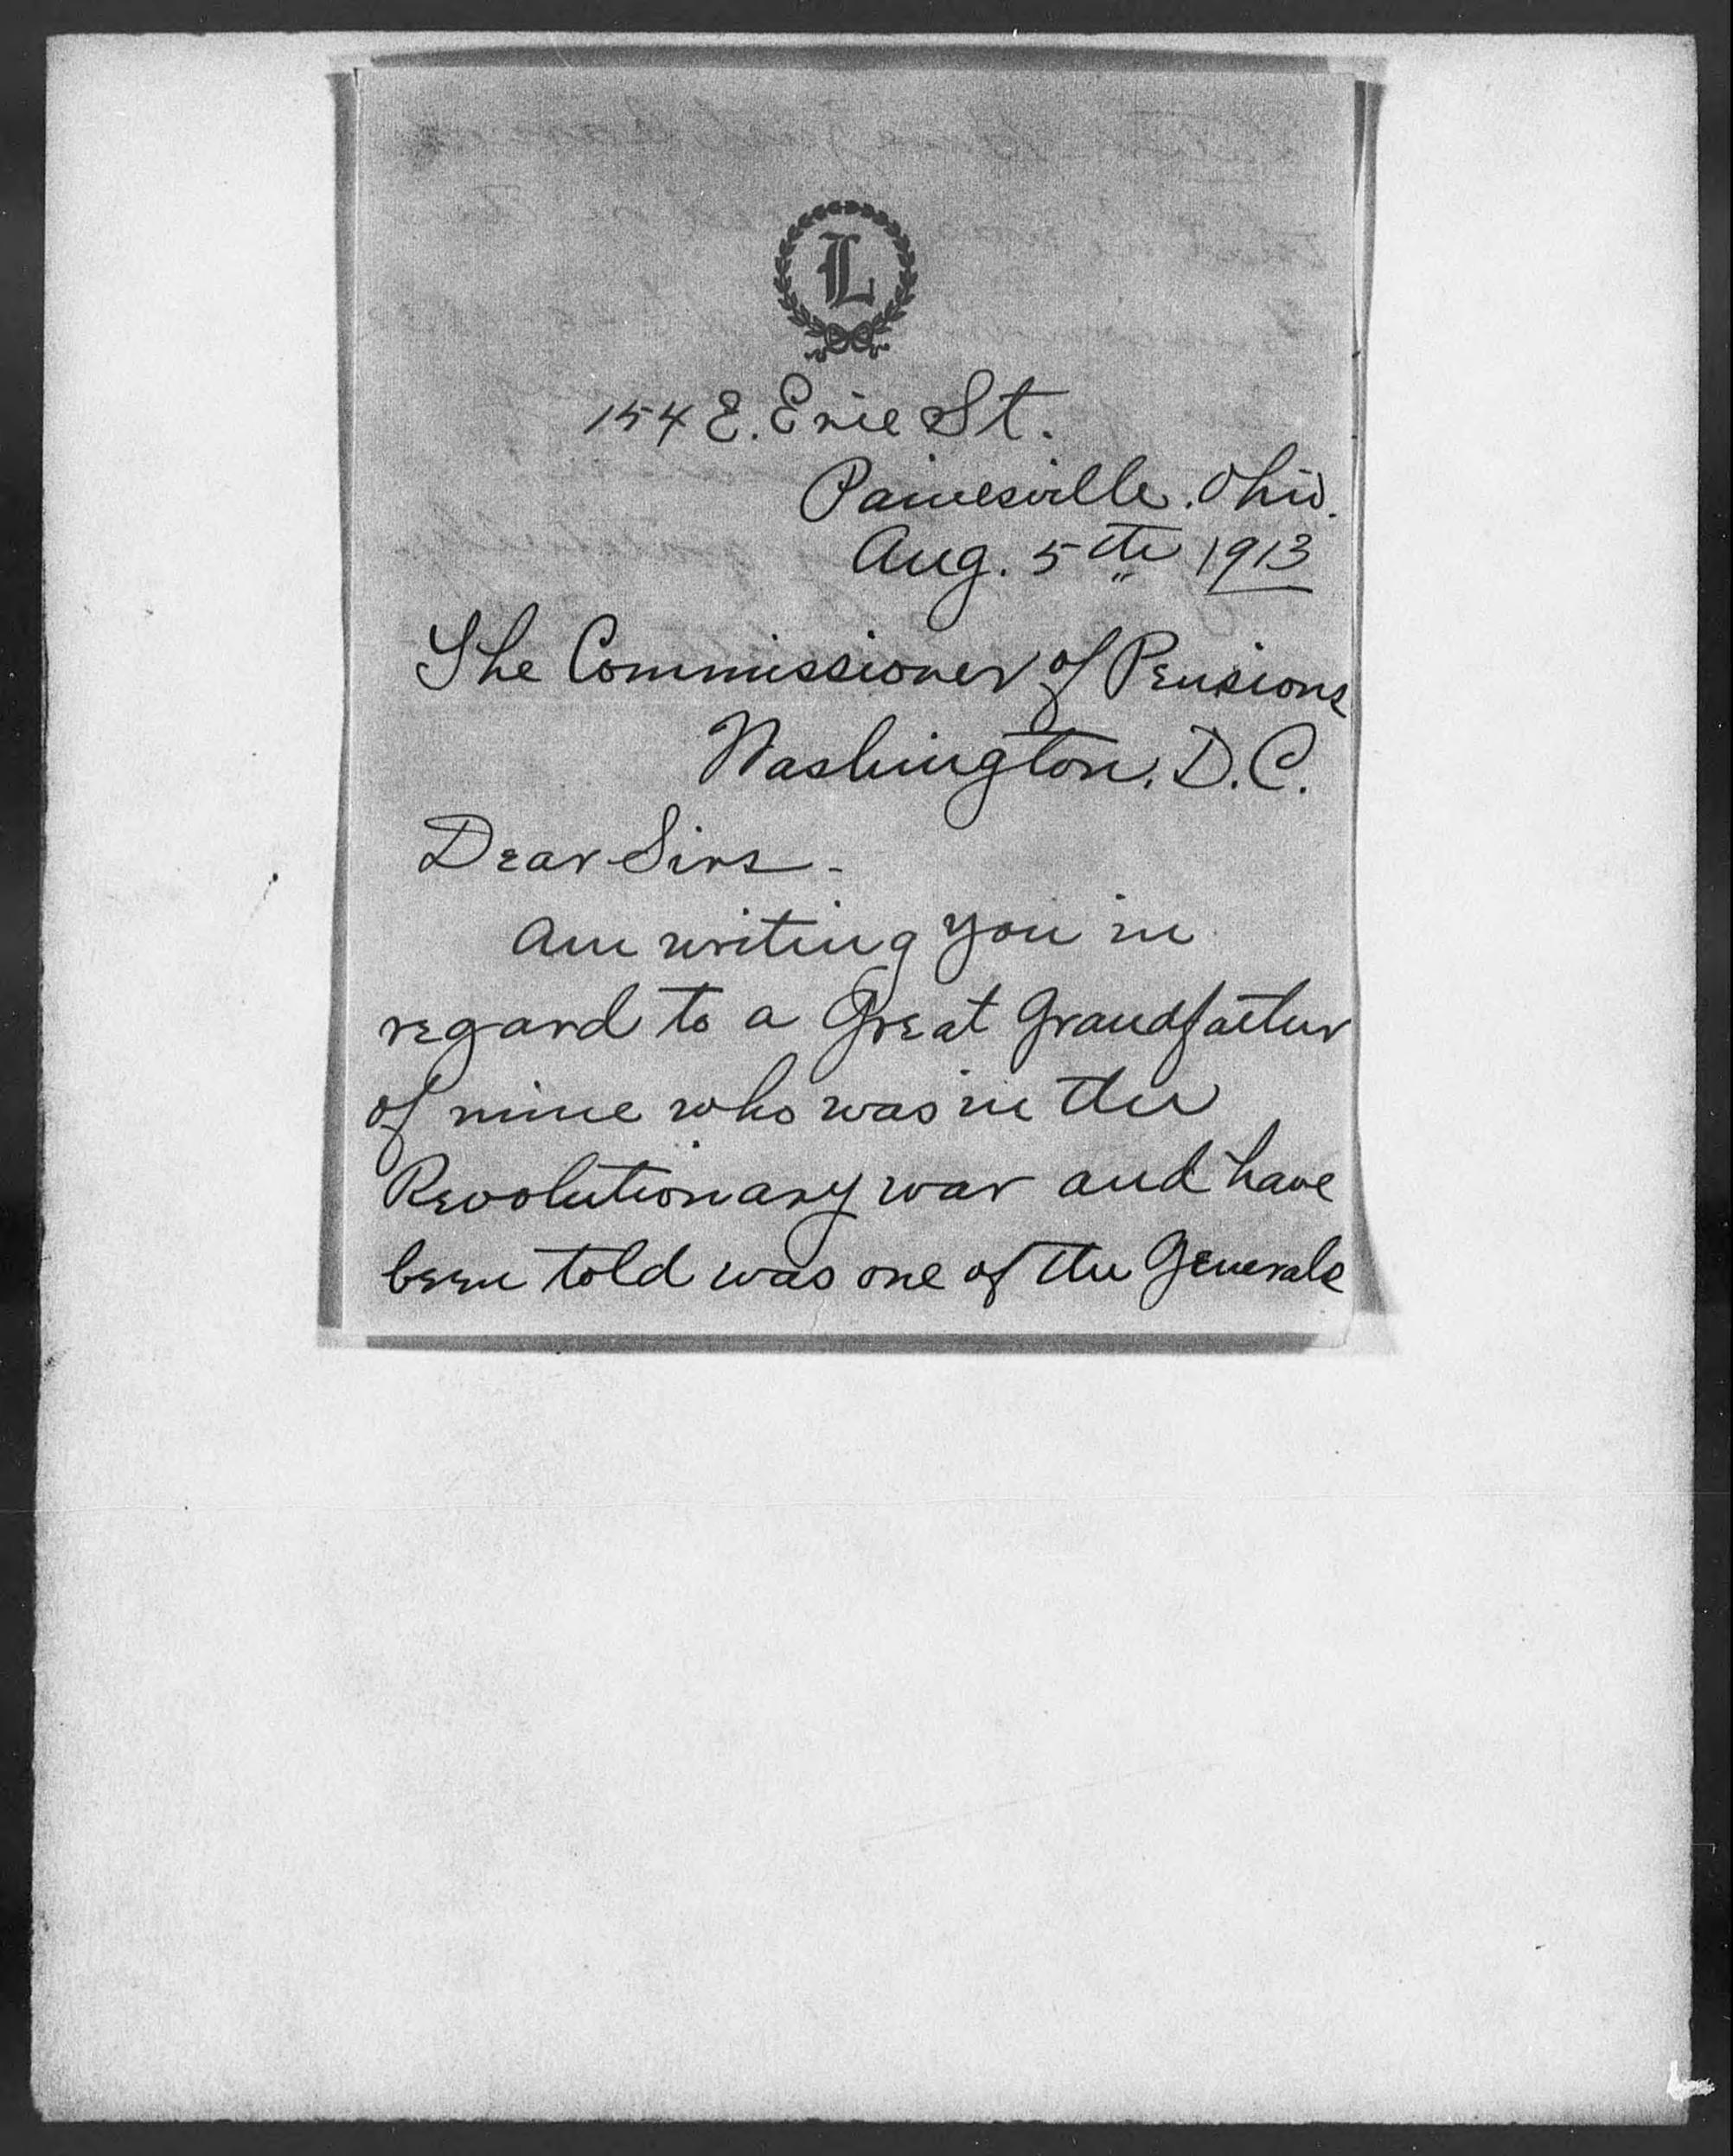154 E. Erie St.
Painesville, Ohio
Aug 5th 1913

The Commissioner of Pensions
Washington D.C.

Dear Sirs,
Am writing you in regard to a great grandfather of mine who was in the Revolutionary war and have been told was one of the generals.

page: 43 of 45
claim: widow's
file: W. 4988, Durlin Hickok, Mass.